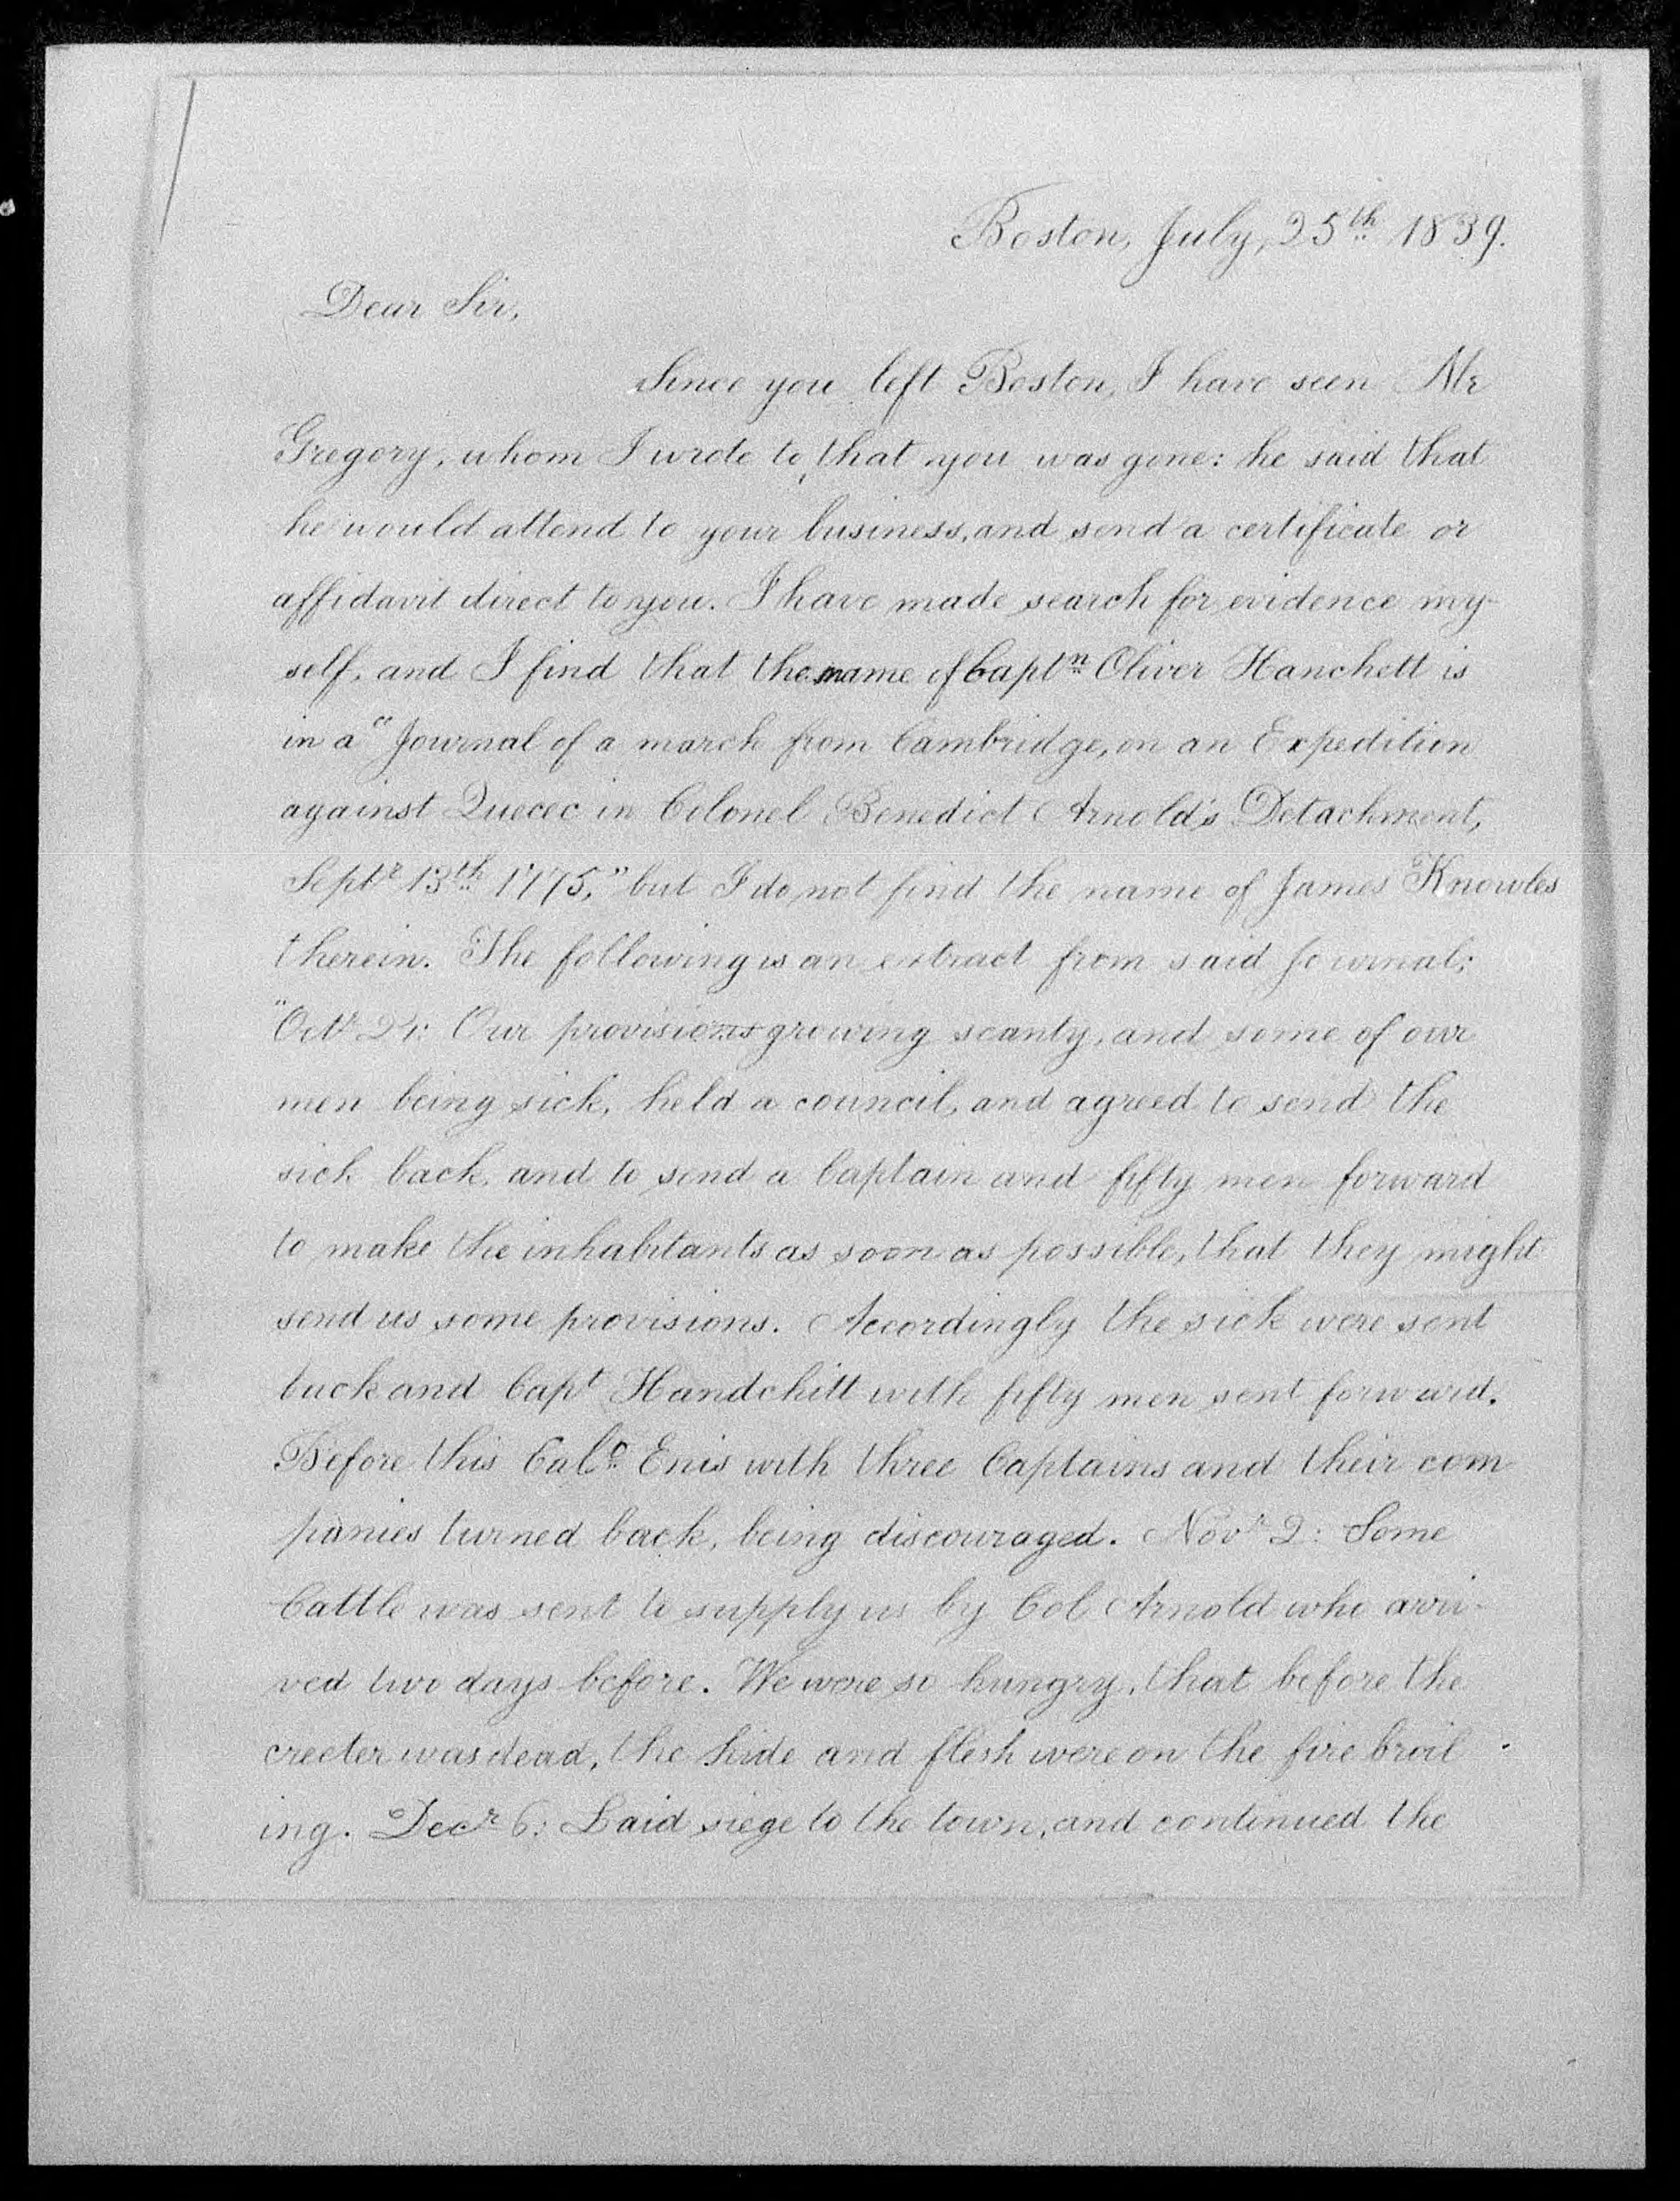Boston, July 25th, 1839
Dear Sir,
Since you left Boston, I have seen Mr. Gregory, whom I wrote to, that you was gone: he said that he would attend to your business, and send a certificate or affidavit direct to you.  I have made search for evidence myself, and I find that the name of Captn. Oliver Hanchett is
in a "Journal of a march from Cambridge, on an Expedition against Quebec in Colonel Benedict Arnold's Detachment, Septr. 13th 1775," but I do not find the name of James Knowles therein. The following is an extract from said Jounal; "Octr. 21: Our provisions growing scanty, and some of out men being sick, held a council, and agreed to send the sick back, and to send a Captain and fifty men forward to make the inhabitants as soon as possible, that they might send us some provisions. Accordingly the sick were sent forward. Before this Colo. Enis with three Captains and their companies turned back, being discouraged. Nov 2: Some Cattle was sent to supply us by Col Arnold who arrived two days before. We were so hungry, that before the creeter was dead, the hide and flesh were on the fire broiling. Decr 6: Laid siege to the town, and continued the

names: [BLANK] Gregory; Oliver Hanchett; Benedict Arnold; [BLANK] Enis; [BLANK] Handchill; James Knowles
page: 31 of 60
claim: widow's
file: W. 14,036, for James Knowles, Connecticut